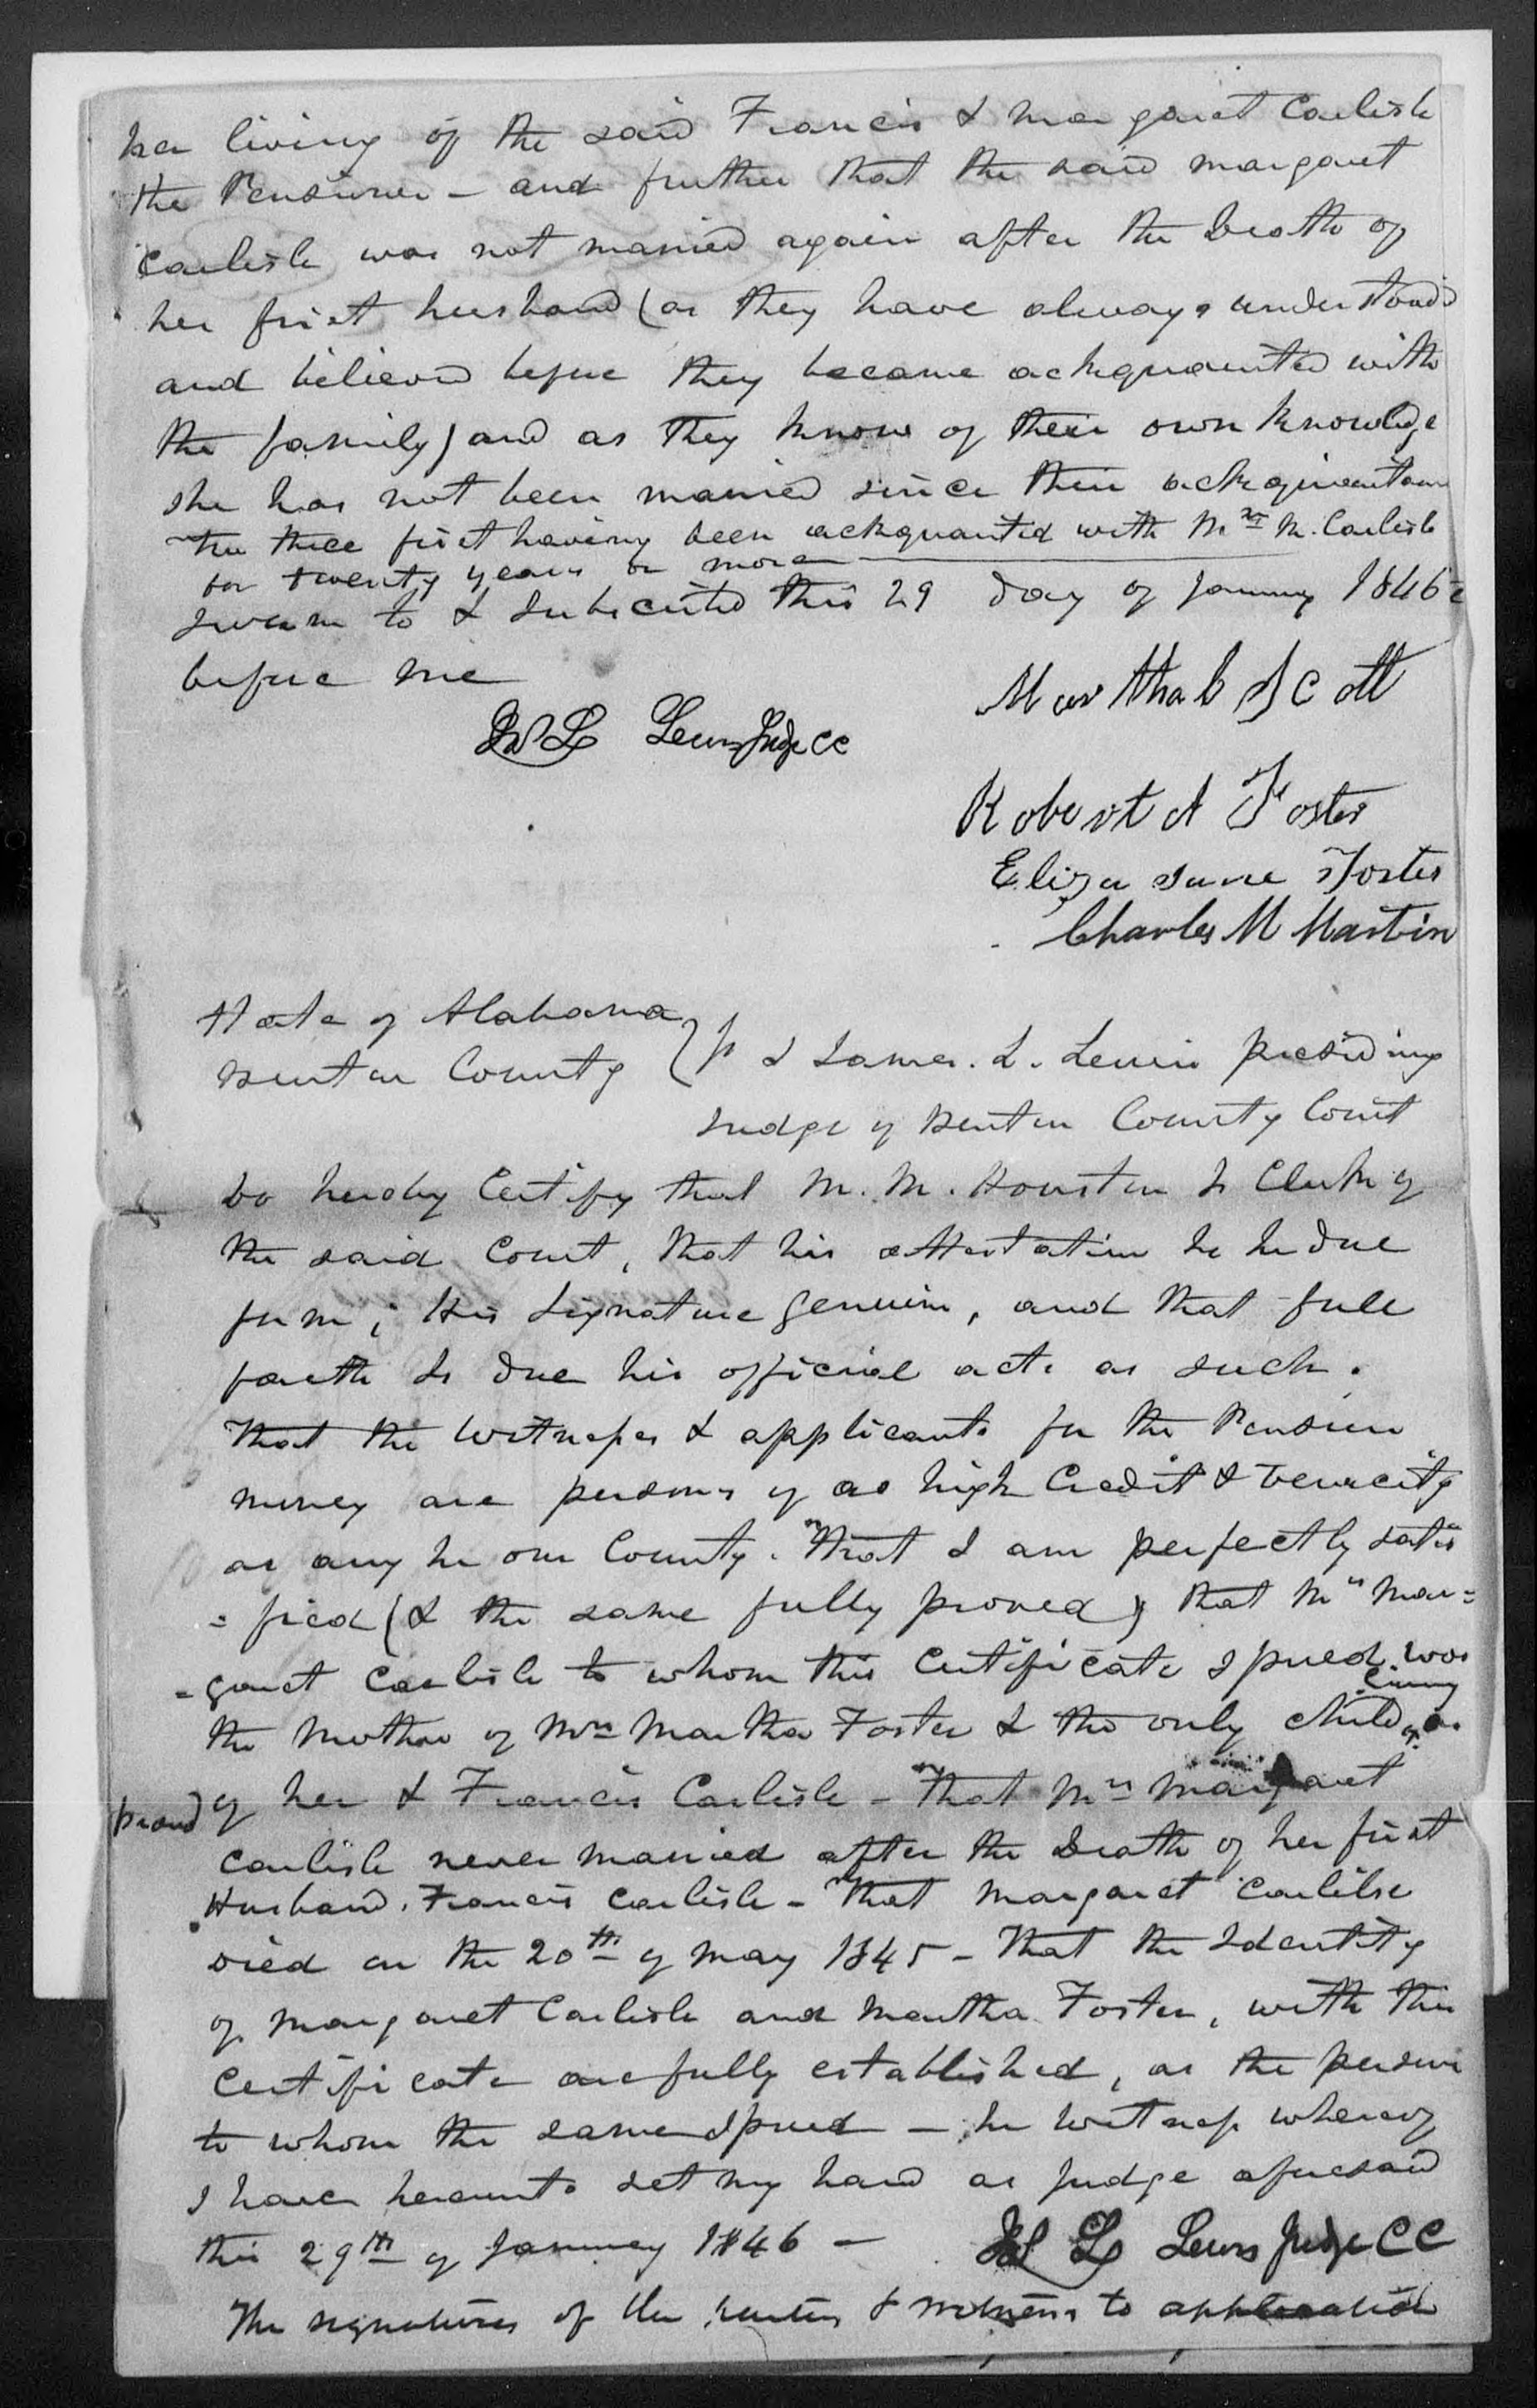now living of the said Francis & Margaret Carlisle the Pensioner and further that the said Margaret
Carlisle, was not married again after the death of her first husband (as they have always understood
and believed before they became acquainted with the family), and as they know of their own knowledge she has not been married since their acquainted the three first having been acquainted with Mr. & Mrs. Carlisle for twenty years or more
[signed] Martha Scott
Robert A Foster
Eliza Jane Foster
Charles M Martin
Sworn to & subscribed this 29 day of Jany 1846 before me
J L Lewis CC

State of Alabama 
Benton County
I James L. Lewis presiding Judge of Benton County Court do hereby certify that M. M. Houston Clerk of the said Court, that his attestation is in due form, his signature genuine, and that full faith is due his official act as such. That the witnesses & applicant for the Pension money are persons of a high credit & veracity as any in our County. That I am perfectly satisfied (& the same fully proved), that Mrs. Margaret Carlisle to whom this certificate issued was the Mother of Mrs. Martha Foster & the only child living of her & Francis Carlisle - That Margaret Carlisle never married after the death of her first Husband, Francis Carlisle that Margaret Carlisle died on the 20th of May 1845. That the identity of Margaret Carlisle and Martha Foster, with this certificate are fully established, as the person to whom the same issued - In witness whereof I have hereunto set my hand as Judge aforesaid this 29th of January 1846
J.L. Lewis Judge

the signatures of the parties & witness to application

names: Margaret Carlisle, Francis Carlisle, Martha C Scott, Margaret Carlisle, M Carlisle, M M Houston, Margaret Carlilse, Margaret Carlisle, Jas L Lewis, Margaret Carlisle, Francis Carlisle, Martha Foster, Francis Carlisle, Jas L Lewis, Margaret Carlisle, Charles M Martin, Martha Foster, Elija Jane Foster, James L Lewis, Robert A Foster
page: 17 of 91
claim: widow's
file: W. 10576, Francis Carlisle, S.C.